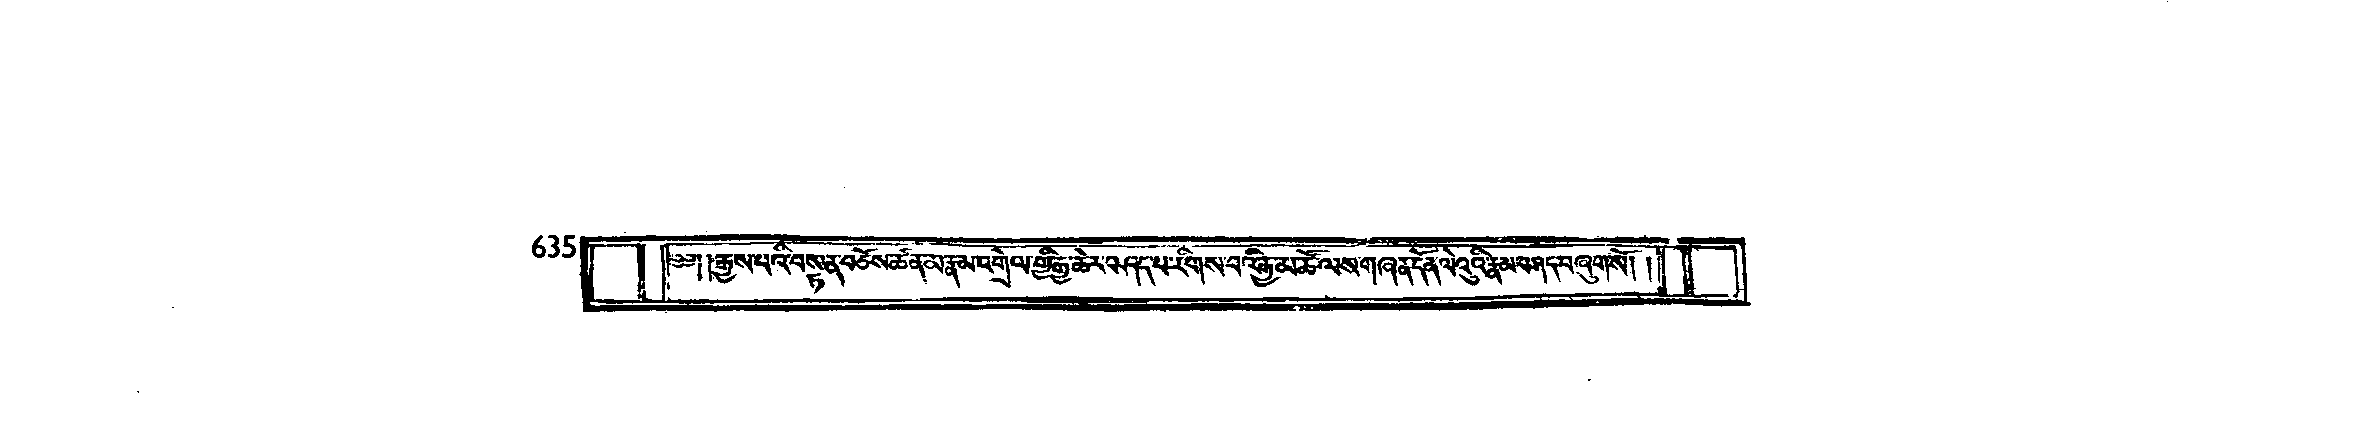༄༅། །རྒྱས་པའི་བསྟན་བཅོས་ཚད་མ་རྣམ་འགྲེལ་གྱི་རྒྱ་ཆེར་བཤད་པ་རིགས་པའི་རྒྱ་མཚོ་ལས་གཞན་དོན་ལེའུའི་རྣམ་བཤད་བཞུགས་སོ། །